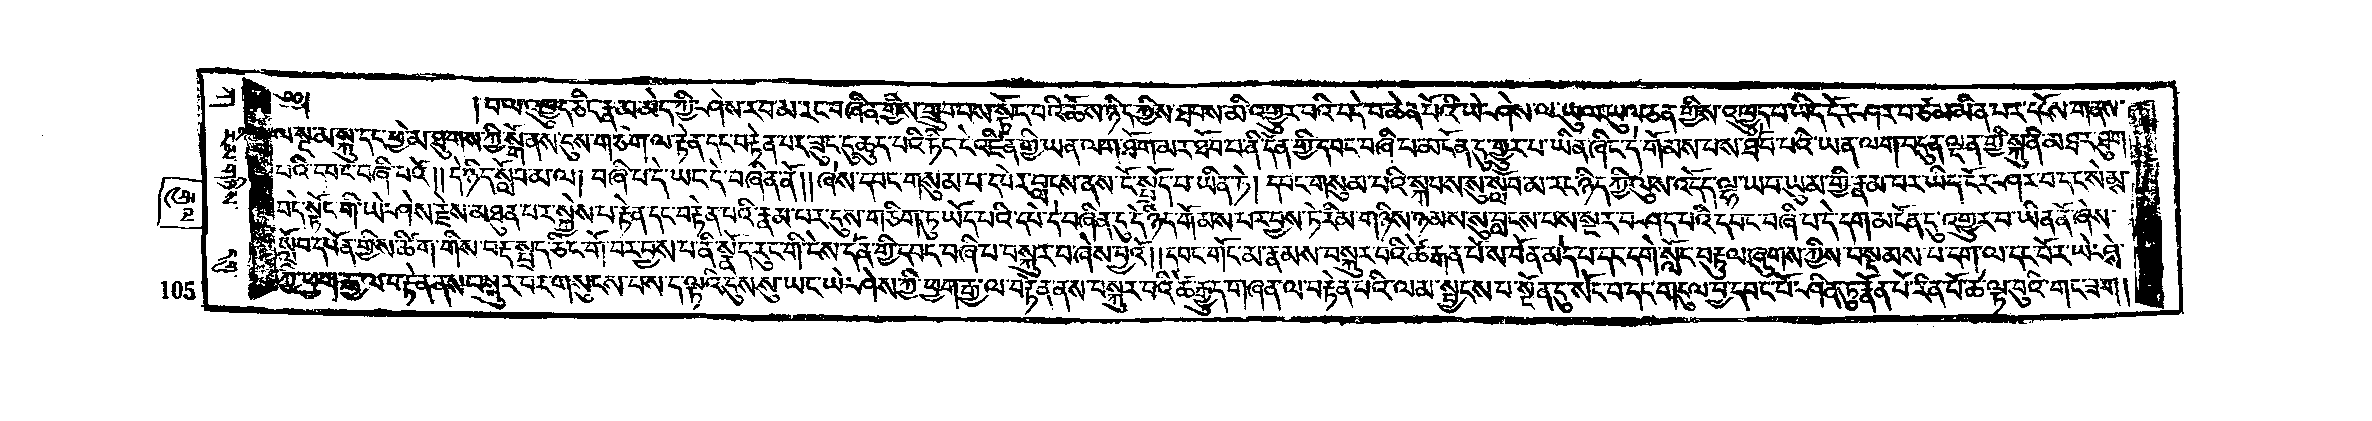༄༅། །བ་ལ་འཁྱུད་ཅིང་རྣམ་མེད་ཀྱི་ཤེས་རབ་མ་རང་བཞིན་གྱིས་གྲུབ་པས་སྟོང་པའི་ཆོས་ཉིད་ཀྱིས་ཐབས་མི་འགྱུར་བའི་བདེ་བ་ཆེན་པོའི་ཡེ་ཤེས་ལ་ཡུལ་ཡུལ་ཅན་གྱིས་འཁྱུད་པ་ཡིད་དོར་ཤར་བ་ཙམ་མིན་པར་དངོས་གནས་
ལ་སྔ་མ་སྐུ་དང་ཕྱེ་མ་ཐུགས་ཀྱི་སྒོ་ནས་དུས་གཅིག་ལ་རྟེན་དང་བརྟེན་པར་ཟུང་དུ་ཆུད་པའི་ཏིང་ངེ་འཛིན་གྱི་ཡན་ལག་ཐོག་མར་ཐོབ་པ་ནི་དོན་གྱི་དབང་བཞི་པ་མངོན་དུ་གྱུར་པ་ཡིན་ཞིང་དེ་གོམས་པས་ཐོབ་པའི་ཡན་ལག་བདུན་ལྡན་གྱི་སྐུ་ནི་མཐར་ཐུག་
པའི་དབང་བཞི་པའོ། །དེ་ཉིད་སློབ་མ་ལ། བཞི་པ་དེ་ཡང་དེ་བཞིན་ནོ། །ཞེས་དབང་གསུམ་པ་དཔེར་བླངས་ནས་ངོ་སྤྲོད་པ་ཡིན་ཏེ། དབང་གསུམ་པའི་སྐབས་སུ་སློབ་མ་རང་ཉིད་ཀྱི་ལུས་འདོད་ལྷ་ཡབ་ཡུམ་གྱི་རྣམ་པར་ཡིད་ངོར་ཤར་བ་དང་སེམས་
བདེ་སྟོང་གི་ཡེ་ཤེས་རྗེས་མཐུན་པར་སྐྱེས་པ་རྟེན་དང་བརྟེན་པའི་རྣམ་པར་དུས་གཅིག་ཏུ་ཡོད་པའི་དཔེ་དེ་བཞིན་དུ་དེ་ཉིད་གོམས་པར་བྱས་ཏེ་རིམ་གཉིས་ཉམས་སུ་བླངས་པས་སྔར་བཤད་པའི་དབང་བཞི་པ་དེ་དག་མངོན་དུ་འགྱུར་བ་ཡིན་ནོ་ཞེས་
སློབ་དཔོན་གྱིས་ཚིག་གིས་བརྡ་སྤྲད་ཅིང་གོ་བར་བྱས་པ་ནི་སྣོད་རུང་གི་ངེས་དོན་གྱི་དབང་བཞི་པ་བསྐུར་བ་ཞེས་བྱའོ། །དབང་གོང་མ་རྣམས་བསྐུར་བའི་ཚེ་རྒན་པོ་ས་བོན་མེད་པ་དང་དགེ་སློང་བརྟུལ་ཞུགས་ཀྱིས་བསྡམས་པ་དག་ལ་དང་པོར་ཡེ་ཤེས་
ཀྱི་ཕྱག་རྒྱ་ལ་བརྟེན་ནས་བསྐུར་བར་གསུངས་པས་ད་ལྟའི་དུས་སུ་ཡང་ཡེ་ཤེས་ཀྱི་ཕྱག་རྒྱ་ལ་བརྟེན་ནས་བསྐུར་བའི་ཚེ་རྒྱུད་གཞན་ལ་བརྟེན་པའི་ལམ་སྦྱངས་པ་སྔོན་དུ་སོང་བ་དང་གདུལ་བྱ་དབང་པོ་ཤིན་ཏུ་རྣོན་པོ་རིན་པོ་ཆེ་ལྟ་བུའི་གང་ཟག །